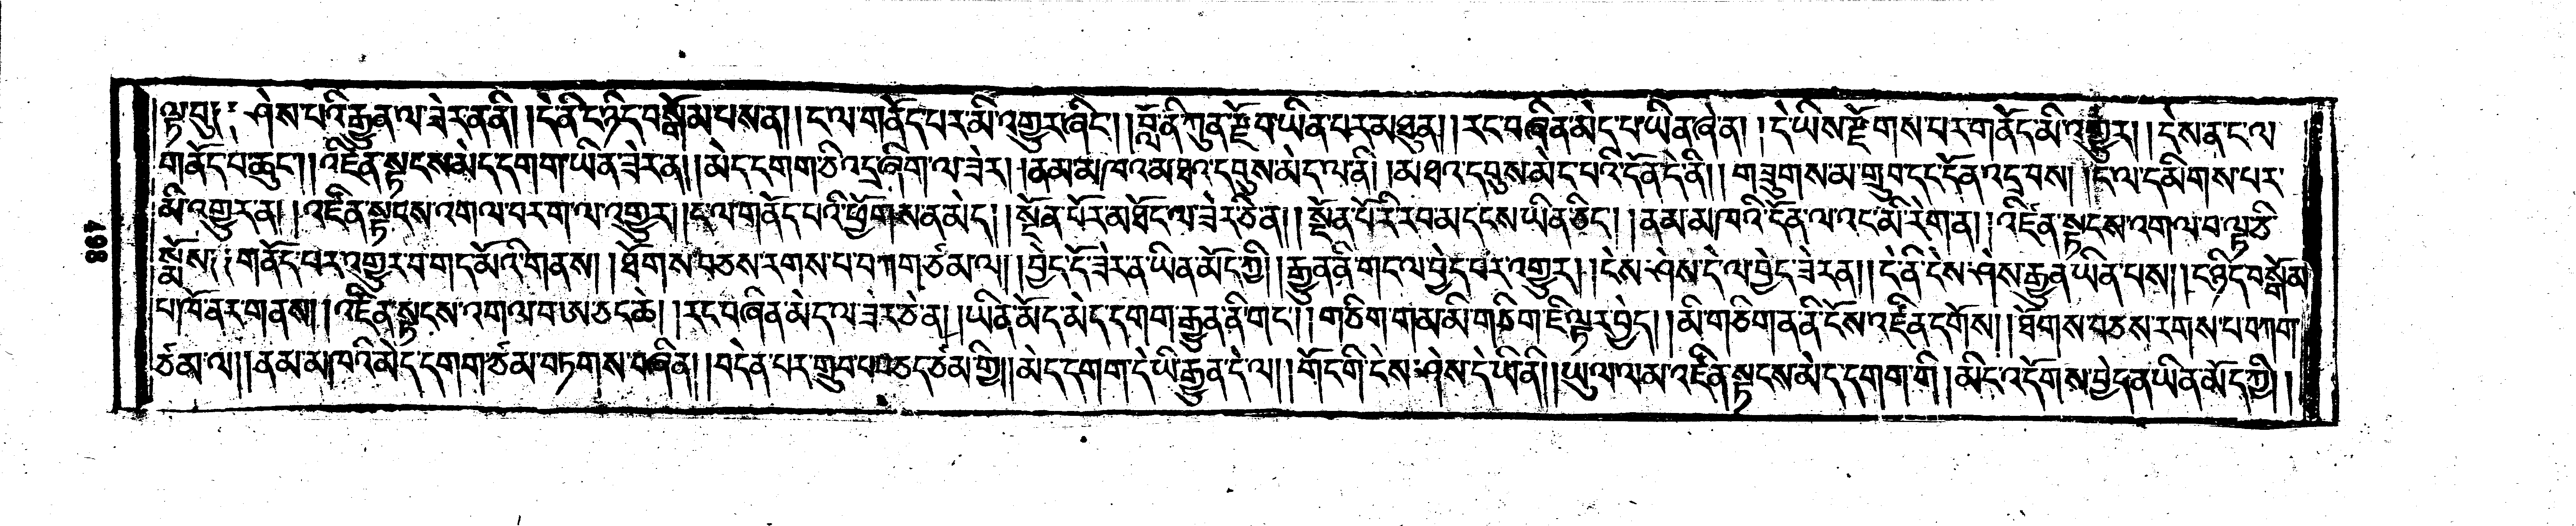ལྟ་བུ། །ཤེས་པའི་རྒྱུན་ལ་ཟེར་ན་ནི། །དེ་ནི་ང་ཉིད་བསྒོམ་པས་ན། །ང་ལ་གནོད་པར་མི་འགྱུར་ཞིང་། །བློ་ནི་ཀུན་རྫོབ་ཡིན་པར་མཐུན། །རང་བཞིན་མེད་པ་ཡིན་ཞེ་ན། །དེ་ཡིས་རྫོགས་པར་གནོད་མི་འགྱུར། །དེས་ན་ང་ལ་
གནོད་པ་ཆུང་། །འཛིན་སྟངས་མེད་དགག་ཡིན་ཟེར་ན། །མེད་དགག་ཅི་འདྲ་ཞིག་ལ་ཟེར། །ནམ་མཁའ་མཐའ་དབུས་མེད་ལ་ནི། །མཐའ་དབུས་མེད་པའི་དོན་དེ་ནི། །གཟུགས་མ་གྲུབ་དང་དོན་འདྲ་བས། །ང་ལ་དམིགས་པར་
མི་འགྱུར་ན། །འཛིན་སྟངས་འགལ་བར་ག་ལ་འགྱུར། །ང་ལ་གནོད་པའི་ཕྱོགས་ན་མེད། །སྔོན་པོར་མཐོང་ལ་ཟེར་ཅེ་ན། །སྔོན་པོ་རི་རབ་མདངས་ཡིན་ཅིང་། །ནམ་མཁའི་དོན་ལའང་མི་རེག་ན། །འཛིན་སྟངས་འགལ་བ་ལྟ་ཅི་
སྨོས༑ ༑གནོད་པར་འགྱུར་བ་གད་མིའི་གནས། །ཐོགས་བཅས་རགས་པ་བཀག་ཙམ་ལ། །བྱེད་དོ་ཟེར་ན་ཡིན་མོད་ཀྱི། །རྒྱུན་ནི་གང་ལ་བྱེད་པར་འགྱུར། །ངེས་ཤེས་དེ་ལ་བྱེད་ཟེར་ན། །དེ་ནི་ངེས་ཤེས་རྒྱུན་ཡིན་པས། །ང་ཉིད་བསྒོམ་
པ་ཁོ་ནར་གནས། །འཛིན་སྟངས་འགལ་བ་ཨ་ཅང་ཆེ། །རང་བཞིན་མེད་ལ་ཟེར་ཅེ་ན། །ཡིན་མོད་མེད་དགག་རྒྱུན་ནི་གང་། །གཅིག་གམ་མི་གཅིག་ཇི་ལྟར་བྱེད། །མི་གཅིག་ན་ནི་ངོས་འཛིན་དགོས། །ཐོགས་བཅས་རགས་པ་བཀག་
ཙམ་ལ། །ནམ་མཁའི་མེད་དགག་ཙམ་བཏགས་བཞིན། །བདེན་པར་གྲུབ་པ་བཅད་ཙམ་གྱི། །མེད་དགག་དེ་ཡི་རྒྱུན་དེ་ལ། །གོང་གི་ངེས་ཤེས་དེ་ཡི་ནི། །ཡུལ་ལམ་འཛིན་སྟངས་མེད་དགག་གི །མིང་འདོགས་བྱེད་ན་ཡིན་མོད་ཀྱི། །